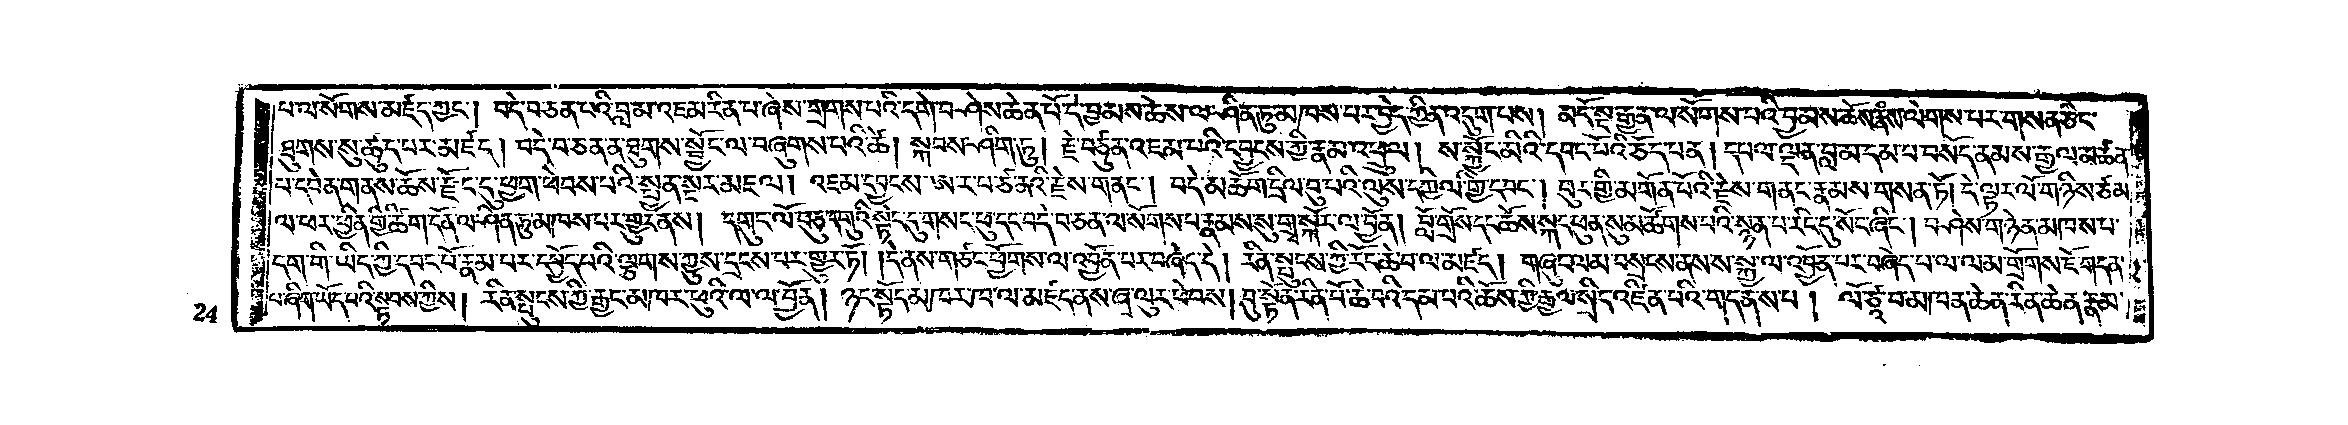པ་ལ་སོགས་མཛད་ཀྱང་། བདེ་བ་ཅན་པའི་བླ་མ་འཇམ་རིན་པ་ཞེས་གྲགས་པའི་དགེ་བཤེས་ཆེན་པོ་དེ་བྱམས་ཆེས་ལ་ཤིན་ཏུ་མཁས་པར་བྱེད་ཀྱིན་འདུག་པས། མདོ་སྡེ་རྒྱན་ལ་སོགས་པའི་བྱམས་ཆོས་རྣམས་ལེགས་པར་གསན་ཅིང་
ཐུགས་སུ་ཚུད་པར་མཛད། བདེ་བ་ཅན་ན་ཐུགས་སྦྱོང་ལ་བཞུགས་པའི་ཚེ། སྐབས་ཤིག་ཏུ། རྗེ་བཙུན་འཇམ་པའི་དབྱངས་ཀྱི་རྣམ་འཕྲུལ། ས་སྐྱོང་མིའི་དབང་པོའི་ཅོད་པན། དཔལ་ལྡན་བླ་མ་དམ་པ་བསོད་ནམས་རྒྱལ་མཚན་
པ་དབེན་གནས་ཆོས་རྫོང་དུ་ཕྱག་ཕེབས་པའི་སྤྱན་སྔར་མཇལ། འཇམ་དབྱངས་ཨ་ར་པ་ཙ་ནའི་རྗེས་གནང་། བདེ་མཆོག་དྲིལ་བུ་པའི་ལུས་དཀྱིལ་གྱི་དབང་། བུར་གྱི་མགོན་པོའི་རྗེས་གནང་རྣམས་གསན་ཏོ། དེ་ལྟར་ལོ་གཉིས་ཙམ་
ལ་ཕར་ཕྱིན་གྱི་ཚིག་དོན་ལ་ཤིན་ཏུ་མཁས་པར་གྱུར་ནས། དགུང་ལོ་བཅུ་དགུའི་སྟེང་དུ་གསང་ཕུ་དང་བདེ་བ་ཅན་ལ་སོགས་པ་རྣམས་སུ་གྲྭ་སྐོར་ལ་བྱོན། བློ་གྲོས་དང་ཆོས་སྐད་ཕུན་སུམ་ཚོགས་པའི་སྙན་པ་རིང་དུ་སོང་ཞིང་། བཤེས་གཉེན་མཁས་པ་
དག་གི་ཡིད་ཀྱི་དབང་པོ་རྣམ་པར་དཔྱོད་པའི་ལྕགས་ཀྱུས་དྲངས་པར་གྱུར་ཏོ། །དེ་ནས་གཙང་ཕྱོགས་ལ་འབྱོན་པར་བཞེད་དེ། རིན་སྤུངས་ཀྱི་རོང་ཆེ་བ་ལ་མཛད། གཞུང་ལམ་བསྲངས་ནས་ས་སྐྱ་ལ་འབྱོན་པར་བཞེད་པ་ལ་ལམ་གྲོགས་ཇོ་གདན་
པ་ཞིག་ཡོད་པའི་སྟབས་ཀྱིས། རིན་སྤུངས་ཀྱི་རྒྱང་མཁར་ཕུའི་ལ་ལ་བྱོན། ཉང་སྟོད་མཁར་ཁ་ལ་མཛད་ནས་ཞ་ལུར་ཕེབས། བུ་སྟོན་རིན་པོ་ཆེ་བའི་དམ་པའི་ཆོས་ཀྱི་རྒྱལ་སྲིད་འཛིན་པའི་གདན་ས་པ། ལོ་ཙཱ་བ་མཁན་ཆེན་རིན་ཆེན་རྣམ་